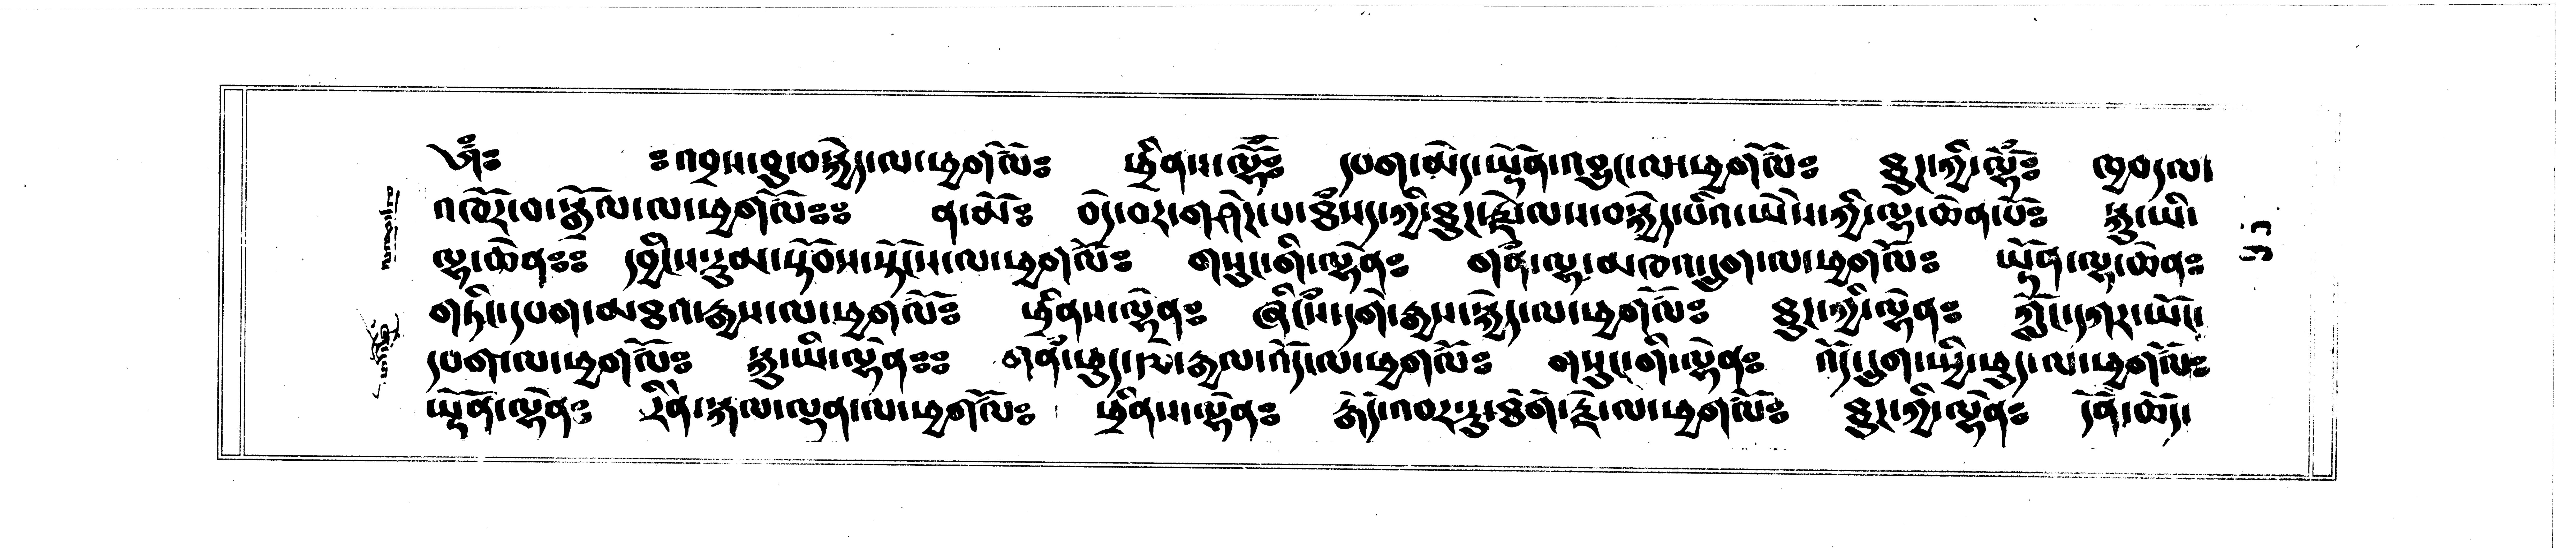འབྲས་བུ་སྐྱེད་ལ་ཕྱག་འཚལ་ལོཿ ཕྲིན་ལས་ཀྱི་ལྷ་མོཿ ཡོན་ཏན་དཔག་མེད་འབྱུང་ལ་ཕྱག་འཚལ་ལོཿ ཐུགས་ཀྱི་ལྷ་མོཿ ཁྱབ་བདལ་
འཁོར་བ་སྒྲོལ་ལ་ཕྱག་འཚལ་ལོཿ ན་མོ་བདེ་བར་གཤེགས་པ་ཐམས་ཅད་ཀྱི་ཐུགས་རྗེ་ལས་བསྐྱེད་པའི་ཡེ་ཤེས་ཀྱི་ལྷ་ཆེན་པོཿ སྐུ་ཡི་
ལྷ་ཆེནཿ དབྱིངས་རུམ་སྟོབས་སྟངས་ལ་ཕྱག་འཚལ་ལོཿ གསུང་གི་ལྷ་ཆེནཿ གནམ་ལྷ་མཁའ་དྲུག་ལ་ཕྱག་འཚལ་ལོཿ ཡོན་ཏན་གྱི་ལྷ་ཆེནཿ
གཏིང་དཔག་མཐའ་རྒྱས་ལ་ཕྱག་འཚལ་ལོཿ ཕྲིན་ལས་ཀྱི་ལྷ་ཆེནཿ ཞིང་ཁམས་དགེ་རྒྱས་བསྐྱེད་ལ་ཕྱག་འཚལ་ལོཿ ཐུགས་ཀྱི་ལྷ་ཆེནཿ ཀློང་དཀའ་ཡོངས་
དཔག་ལ་ཕྱག་འཚལ་ལོཿ སྐུ་ཡི་ལྷ་ཆེནཿ གནམ་ཕུད་རྩེ་རྒྱལ་འོད་ལ་ཕྱག་འཚལ་ལོཿ གསུང་གི་ལྷ་ཆེནཿ འོད་དྲུག་སྤྱི་ཕུད་ལ་ཕྱག་འཚལ་ལོཿ
 ཡོན་ཏན་གྱི་ལྷ་ཆེནཿ རིན་ཆེན་སྐལ་ལྡན་ལ་ཕྱག་འཚལ་ལོཿ ཕྲིན་ལས་ཀྱི་ལྷ་ཆེནཿ རྒོད་འབར་རུ་ཐོག་རྗེ་ལ་ཕྱག་འཚལ་ལོཿ ཐུགས་ཀྱི་ལྷ་ཆེནཿ དོན་ཆོད་